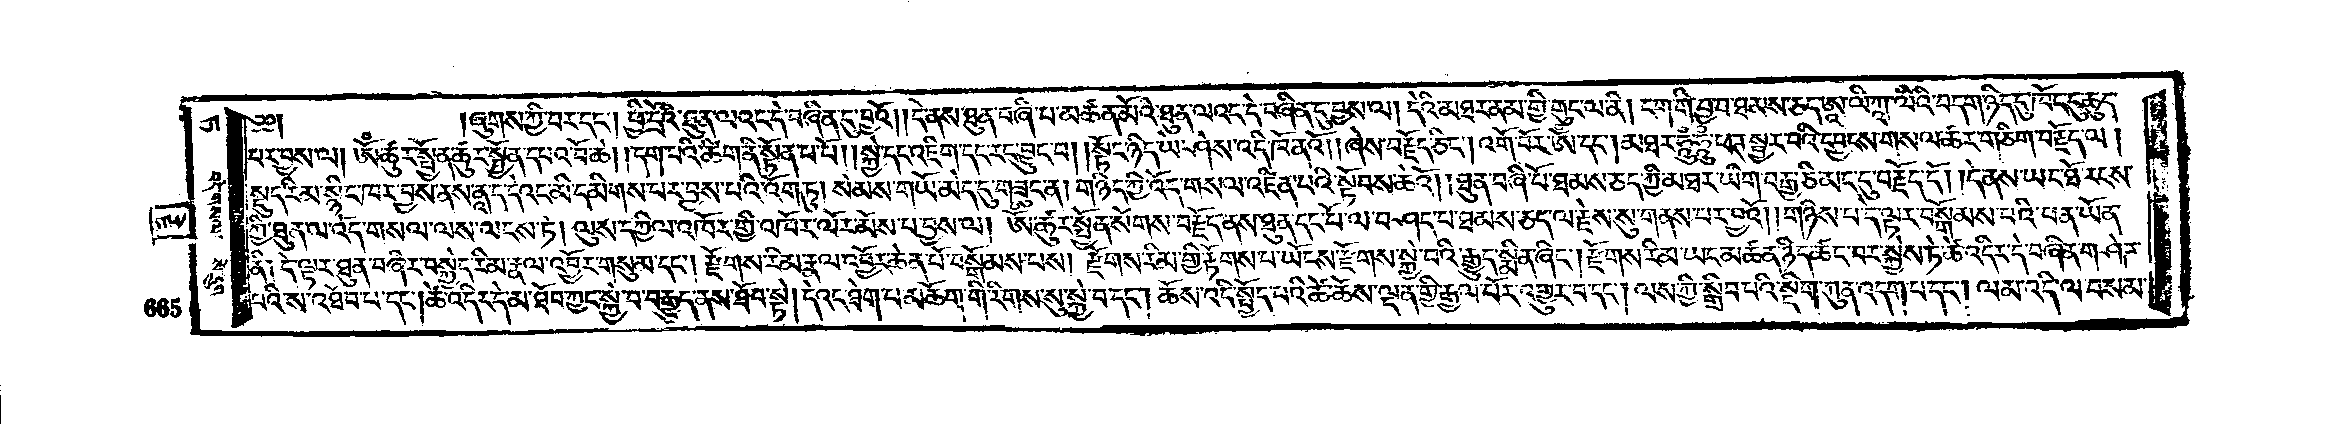༄༅། །ཞུགས་ཀྱི་བར་དང་། ཕྱི་དྲོའི་ཐུན་ལའང་དེ་བཞིན་དུ་བྱའོ། །དེ་ནས་ཐུན་བཞི་པ་མཚན་མོའི་ཐུན་ལའང་དེ་བཞིན་དུ་བྱས་ལ། དེའི་མཐར་ནམ་གྱི་གུང་ལ་ནི། ངག་གི་བྱ་བ་ཐམས་ཅད་ཨཱ་ལིའི་བདག་ཉིད་དུ་ཁོང་དུ་ཆུད་
པར་བྱས་ལ། ཨོཾ་ཚུར་སྤྱོན་ཚུར་སྤྱོན་དཔའ་བོ་ཆེ། །དག་པའི་ཚིག་ནི་སྟོན་པ་པོ། །སྐྱེ་དང་འཇིག་དང་རང་བྱུང་བ། །སྟོང་ཉིད་ཡེ་ཤེས་འདི་ཁོ་ནའོ། །ཞེས་བརྗོད་ཅིང་། འགོ་བོར་ཨོཾ་དང་། མཐར་ཧཱུཾ་ཧཱུཾ་ཕཊ་སྦྱར་བའི་དབྱངས་གསལ་ཚར་གཅིག་བརྗོད་ལ།
སྡུད་རིམ་སྙིང་ཁར་བྱས་ནས་ནཱ་ད་དེའང་མི་དམིགས་པར་བྱས་པའི་འོག་ཏུ། སེམས་གཡོ་མེད་དུ་གཟུང་ན། གཉིད་ཀྱི་འོད་གསལ་འཛིན་པའི་སྟོབས་ཆེའོ། །ཐུན་བཞི་པོ་ཐམས་ཅད་ཀྱི་མཐར་ཡིག་བརྒྱ་ཅི་མང་དུ་བརྗོད་དོ། །དེ་ནས་ཡང་ཐོ་རངས་
ཀྱི་ཐུན་ལ་འོད་གསལ་ལས་ལངས་ཏེ། ལུས་དཀྱིལ་འཁོར་གྱི་འཁོར་ལོར་མོས་པ་བྱས་ལ། ཨོཾ་ཚུར་སྤྱོན་སོགས་བརྗོད་ནས་ཐུན་དང་པོ་ལ་བཤད་པ་ཐམས་ཅད་ལ་རྗེས་སུ་གནས་པར་བྱའོ། །གཉིས་པ་དེ་ལྟར་བསྒོམས་པའི་ཕན་ཡོན་
ནི། དེ་ལྟར་ཐུན་བཞིར་བསྐྱེད་རིམ་རྣལ་འབྱོར་གསུམ་དང་། རྫོགས་རིམ་རྣལ་འབྱོར་ཆེན་པོ་བསྒོམས་པས། རྫོགས་རིམ་གྱི་རྟོགས་པ་ཡོངས་རྫོགས་སྐྱེ་བའི་རྒྱུད་སྨིན་ཞིང་། རྫོགས་རིམ་ཡང་མཚན་ཉིད་ཚང་བར་སྐྱེས་ཏེ་ཚེ་འདིར་དེ་བཞིན་གཤེགས་
པའི་ས་འཐོབ་པ་དང་། ཚེ་འདིར་དེ་མ་ཐོབ་ཀྱང་སྐྱེ་བ་བརྒྱུད་ནས་ཐོབ་སྟེ། དེའང་ཐེག་པ་མཆོག་གི་རིགས་སུ་སྐྱེ་བ་དང་། ཆོས་འདི་སྤྱོད་པའི་ཚེ་ཆོས་ལྡན་གྱི་རྒྱལ་པོར་འགྱུར་བ་དང་། ལས་ཀྱི་སྒྲིབ་པའི་སྡིག་ཀུན་འདག་པ་དང་། ལམ་འདི་ལ་བསམ་